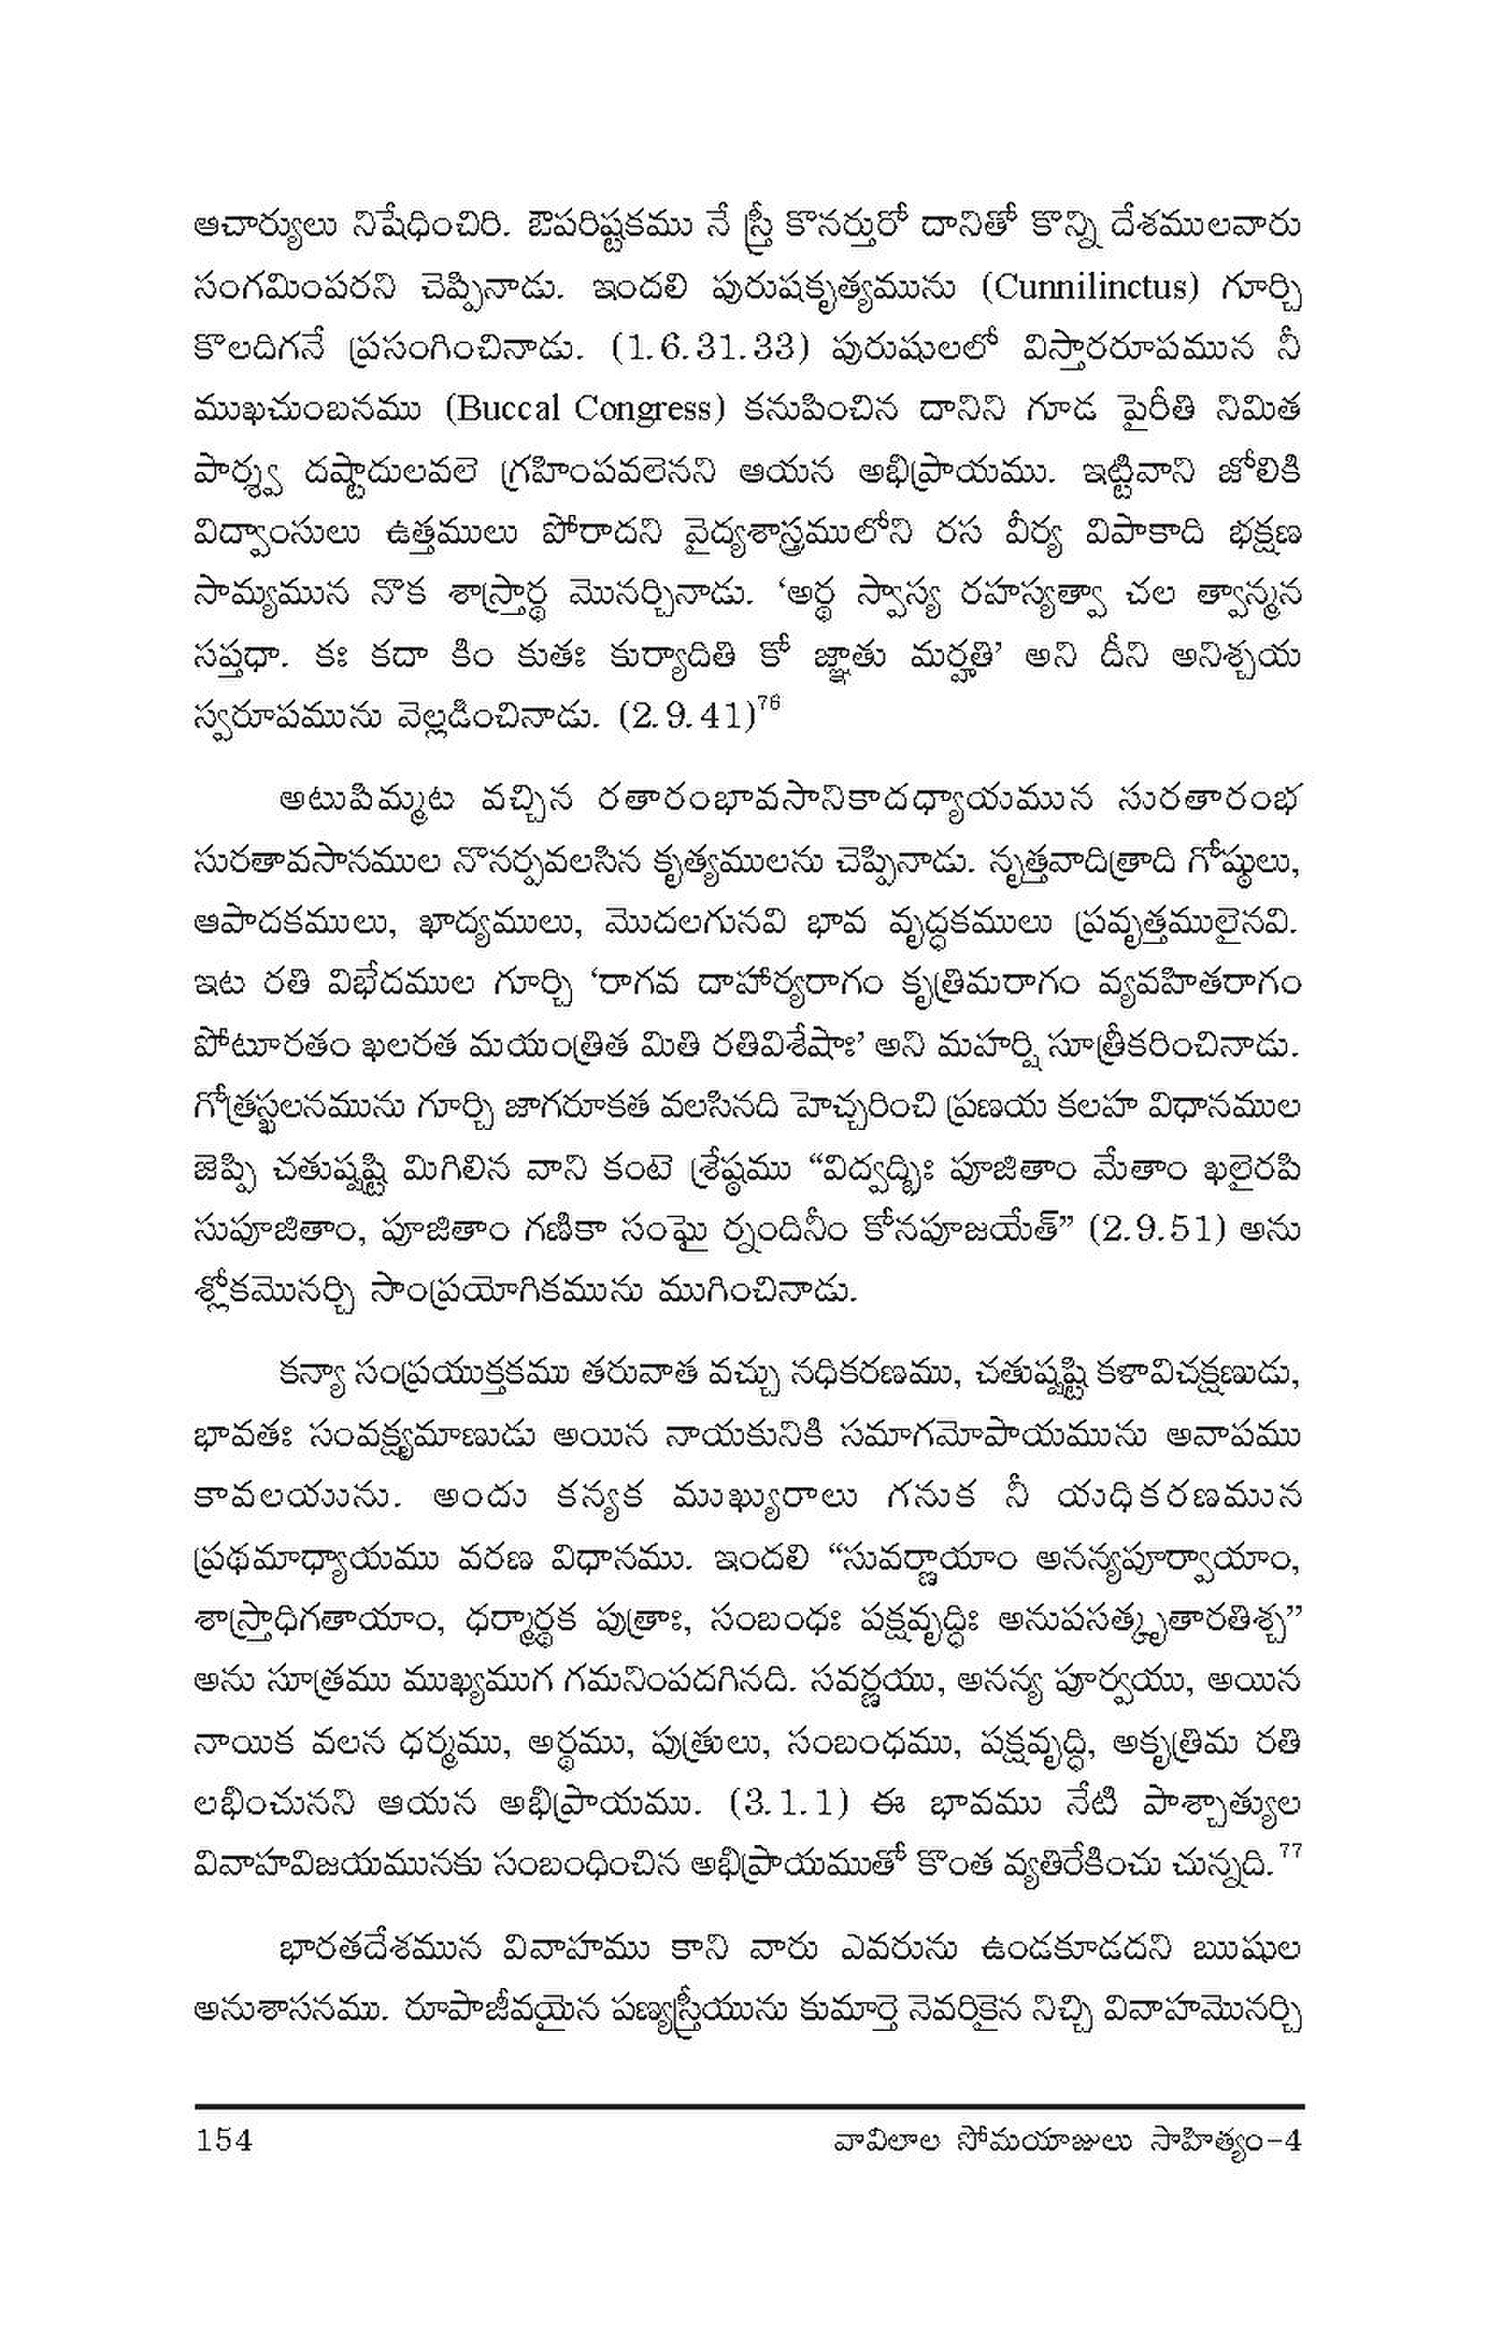ఆచార్యులు నిషేధించిరి. ఔపరిష్టకము నే స్త్రీ కొనర్తురో దానితో కొన్ని దేశములవారు
సంగమింపరని చెప్పినాడు. ఇందలి పురుషకృత్యమును (Cunnilinctus) గూర్చి
కొలదిగనే ప్రసంగించినాడు. (1.6.31.33) పురుషులలో విస్తారరూపమున నీ
ముఖచుంబనము (Buccal Congress) కనుపించిన దానిని గూడ పైరీతి నిమిత
పార్శ్వ దష్టాదులవలె గ్రహింపవలెనని ఆయన అభిప్రాయము. ఇట్టివాని జోలికి
విద్వాంసులు ఉత్తములు పోరాదని వైద్యశాస్త్రములోని రస వీర్య విపాకాది భక్షణ
సామ్యమున నొక శాస్త్రార్థ మొనర్చినాడు. 'అర్థ స్వాస్య రహస్యత్వా చల త్వాన్మన
సప్తధా. కః కదా కిం కుతః కుర్యాదితి కో జ్ఞాతు మర్హతి' అని దీని అనిశ్చయ
స్వరూపమును వెల్లడించినాడు. (2.9.41) 76

అటుపిమ్మట వచ్చిన రతారంభావసానికాదధ్యాయమున సురతారంభ
సురతావసానముల నొనర్పవలసిన కృత్యములను చెప్పినాడు. నృత్తవారిత్రాది గోష్ఠులు,
ఆపాదకములు, ఖాద్యములు, మొదలగునవి భావ వృద్ధకములు ప్రవృత్తములైనవి.
ఇట రతి విభేదముల గూర్చి 'రాగవ దాహార్యరాగం కృత్రిమరాగం వ్యవహితరాగం
పోటూరతం ఖలరత మయంత్రిత మితి రతివిశేషాః' అని మహర్షి సూత్రీకరించినాడు.
గోత్రస్ఖలనమును గూర్చి జాగరూకత వలసినది హెచ్చరించి ప్రణయ కలహ విధానముల
జెప్పి చతుష్షష్టి మిగిలిన వాని కంటె శ్రేష్ఠము "విద్వద్భిః పూజితాం మేతాం ఖలైరపి
సుపూజితాం, పూజితాం గణికా సంఘై ర్నందినీం కోనపూజయేత్" (2.9.51) అను
శ్లోకమొనర్చి సాంప్రయోగికమును ముగించినాడు.

కన్యా సంప్రయుక్తకము తరువాత వచ్చు నధికరణము, చతుష్షష్టి కళావిచక్షణుడు,
భావతః సంవక్ష్యమాణుడు అయిన నాయకునికి సమాగమోపాయమును అవాపము
కావలయును. అందు కన్యక ముఖ్యురాలు గనుక నీ యధికరణమున
ప్రథమాధ్యాయము వరణ విధానము. ఇందలి "సువర్ణాయాం అనన్యపూర్వాయం,
శాస్త్రాధిగతాయాం, ధర్మార్థక పుత్రాః, సంబంధః పక్షవృద్ధిః అనుపసత్కృతారతిశ్చ”
అను సూత్రము ముఖ్యముగ గమనింపదగినది. సవర్ణయు, అనన్య పూర్వయు, అయిన
నాయిక వలన ధర్మము, అర్ధము, పుత్రులు, సంబంధము, పక్షవృద్ధి, అకృత్రిమ రతి
లభించునని ఆయన అభిప్రాయము. (3.1.1) ఈ భావము నేటి పాశ్చాత్యుల
వివాహవిజయమునకు సంబంధించిన అభిప్రాయముతో కొంత వ్యతిరేకించు చున్నది. "
భారతదేశమున వివాహము కాని వారు ఎవరును ఉండకూడదని ఋషుల
అనుశాసనము. రూపాజీవయైన పణ్యస్త్రీయును కుమార్తె నెవరికైన నిచ్చి వివాహమొనర్చి